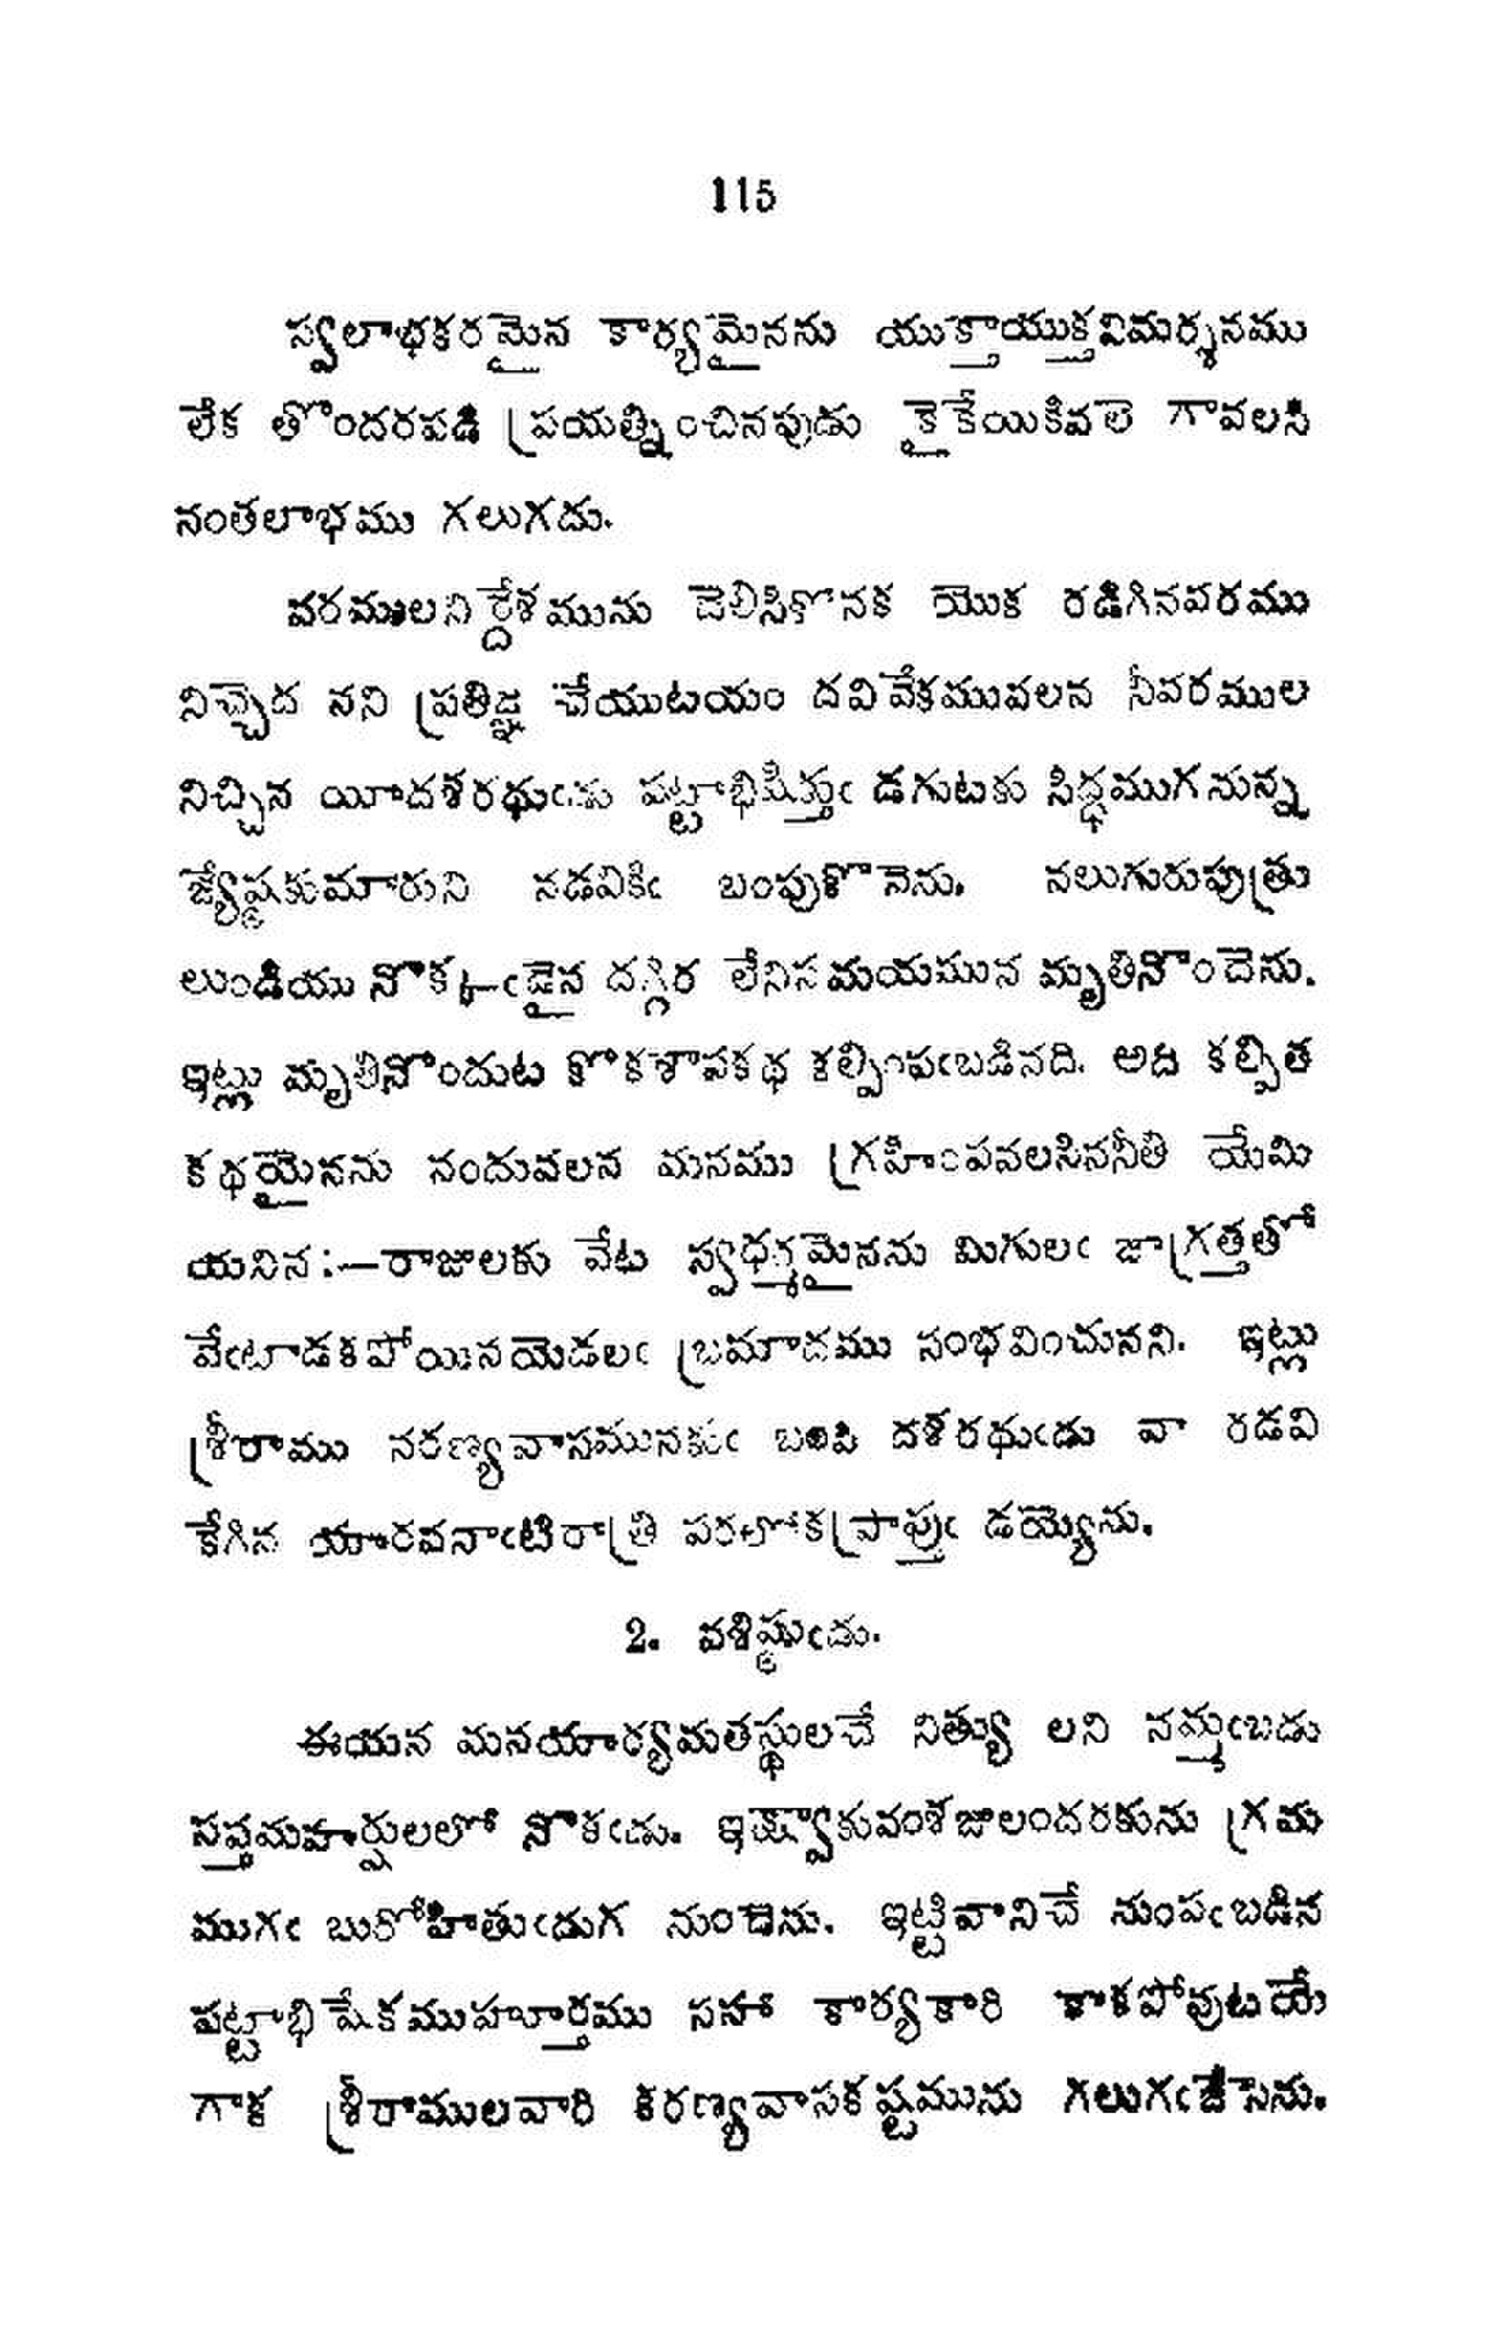స్వలాభకరమైన కార్యమైనను యుక్తాయుక్తవిమర్శనము లేక తొందరపడి ప్రయత్నించినపుడు కైకేయికివలె గావలసినంతలాభము గలుగదు.

వరములనిర్దేశమును దెలిసికొనక యొక రడిగినవరము నిచ్చెద నని ప్రతిజ్ఞ చేయుటయం దవివేకమువలన నీవరముల నిచ్చిన యీదశరథుఁడు పట్టాభిషిక్తుఁ డగుటకు సిద్ధముగనున్న
జ్యేష్ఠకుమారుని నడవికిఁ బంపుకొనెను. నలుగురుపుత్రులుండియు నొక్కఁడైన దగ్గర లేనిసమయమున మృతినొందెను. ఇట్లు మృతినొందుట కొకశాపకథ కల్పింపఁబడినది. అది కల్పిత కథయైనను నందువలన మనము గ్రహీంపవలసిననీతి యేమి యనిన :- రాజులకు వేట స్వధర్మమైనను మిగులఁ జాగ్రత్తతో వేఁటాడక పోయినయెడలఁ బ్రమాదము సంభవించునని. ఇట్లు శ్రీరాము నరణ్య వాసమునకుఁ బంపి దశరథుఁడు వా రడవికేగిన యారవనాఁటిరాత్రి పరలోకప్రాప్తుఁ డయ్యెను.

ఈయన మనయార్యమతస్థులచే నిత్యు లని నమ్మఁబడు సప్తమహర్షులలో నొకఁడు. ఇక్ష్వాకువంశజు లందరకును గ్రమముగఁ బురోహితుఁడుగ నుండెను. ఇట్టివానిచే నుంపఁబడిన పట్టాభిషేక ముహూర్తము సహా కార్యకారి కాకపోవుటయే గాక శ్రీరాములవారి కరణ్యవాసకష్టమును గలుగఁజేసెను.